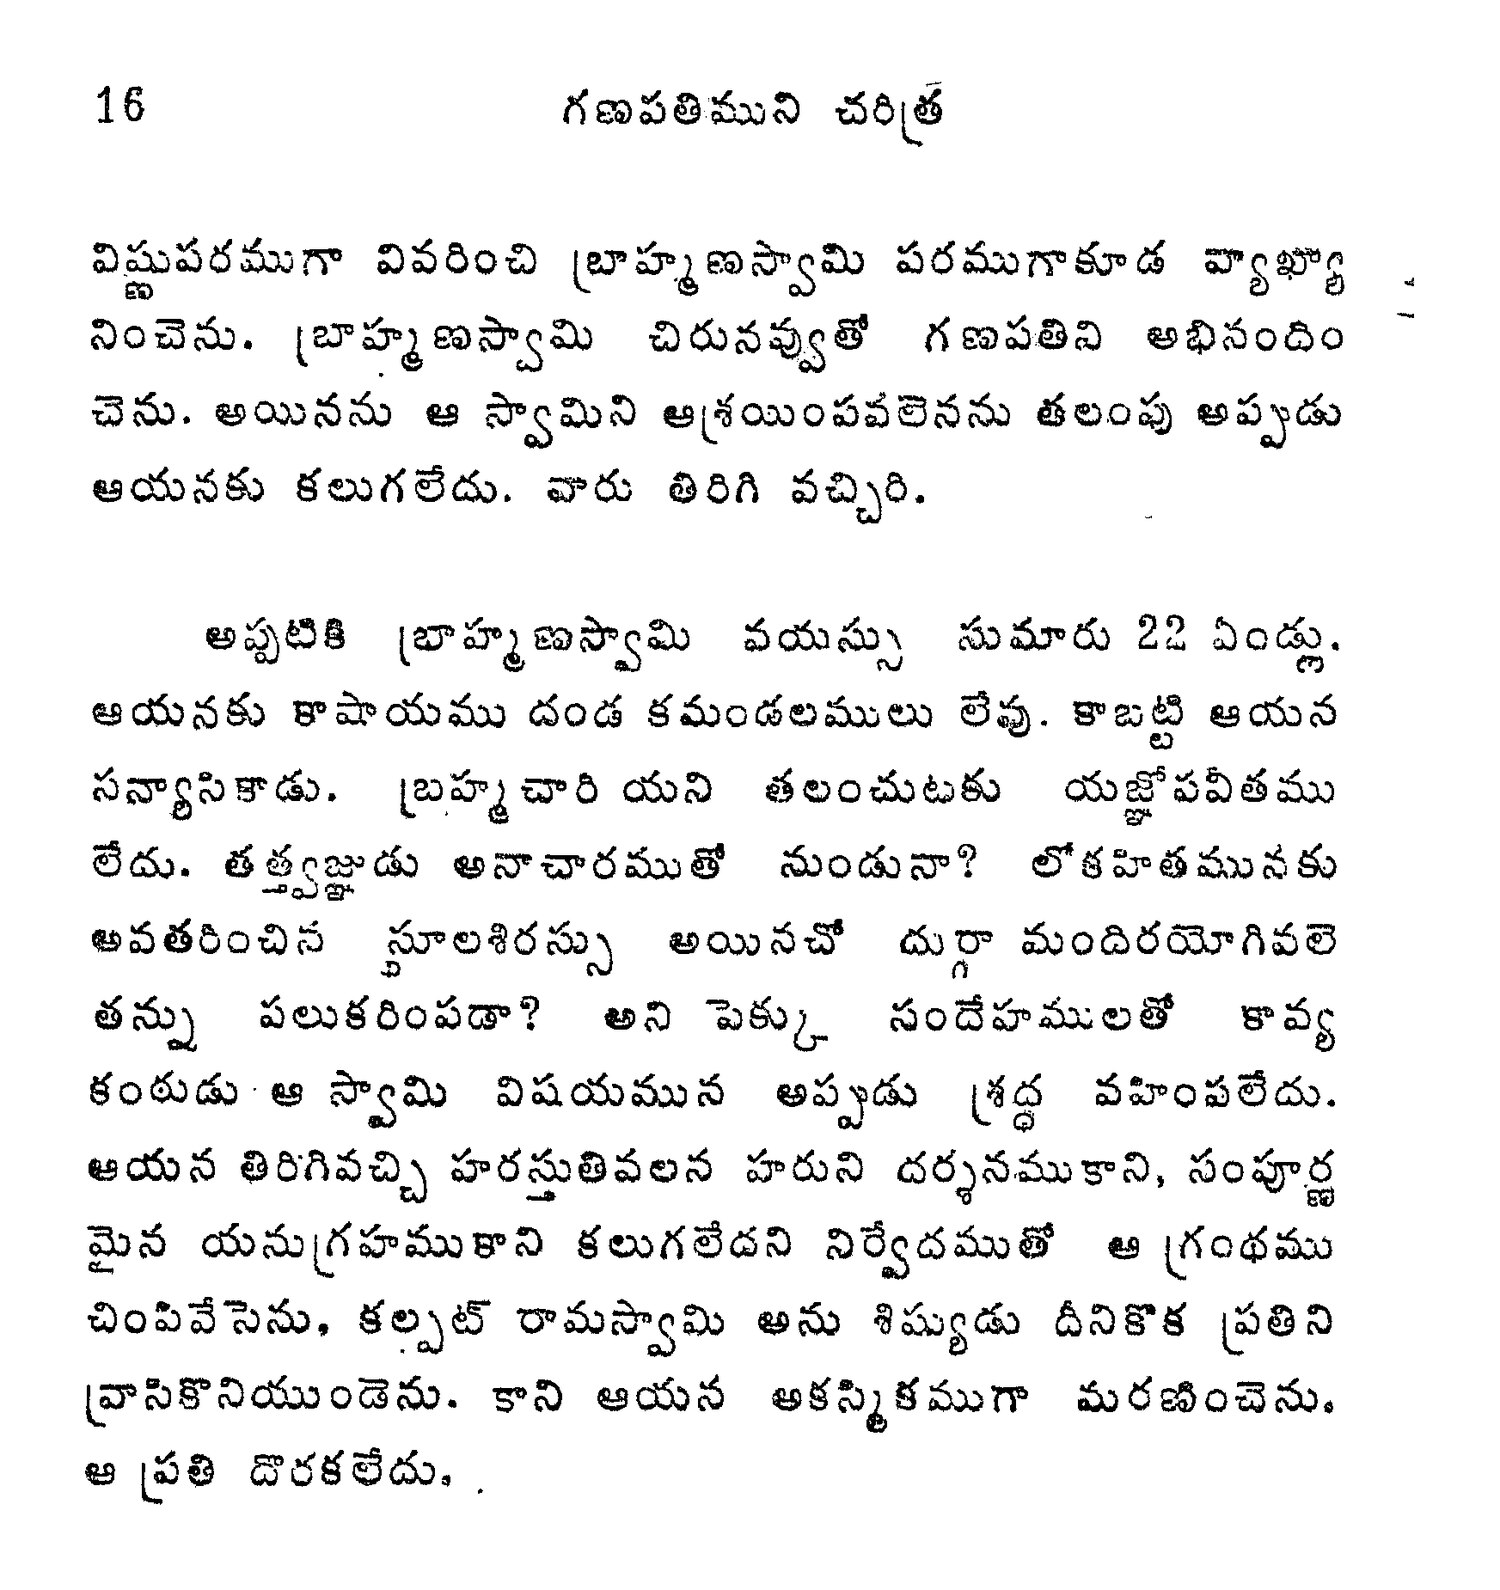విష్ణుపరముగా వివరించి బ్రాహ్మణస్వామి పరముగాకూడ వ్యాఖ్యానించెను. బ్రాహ్మణస్వామి చిరునవ్వుతో గణపతిని అభినందించెను. అయినను ఆ స్వామిని ఆశ్రయింపవలెనను తలంపు అప్పుడు ఆయనకు కలుగలేదు. వారు తిరిగి వచ్చిరి.

అప్పటికి బ్రాహ్మణస్వామి వయస్సు సుమారు 22 ఏండ్లు. ఆయనకు కాషాయము దండ కమండలములు లేవు. కాబట్టి ఆయన సన్యాసికాడు. బ్రహ్మచారి యని తలంచుటకు యజ్ఞోపవీతము లేదు. తత్త్వజ్ఞుడు అనాచారముతో నుండునా? లోకహితమునకు అవతరించిన స్థూలశిరస్సు అయినచో దుర్గా మందిరయోగివలె తన్ను పలుకరింపడా? అని పెక్కు సందేహములతో కావ్యకంఠుడు ఆ స్వామి విషయమున అప్పుడు శ్రద్ధ వహింపలేదు. ఆయన తిరిగి వచ్చి హరస్తుతివలన హరుని దర్శనముకాని, సంపూర్ణమైన యనుగ్రహముకాని కలుగలేదని నిర్వేదముతో అ గ్రంథము చింపివేసెను. కల్పట్ రామస్వామి అను శిష్యుడు దీనికొక ప్రతిని వ్రాసికొనియుండెను. కాని ఆయన అకస్మికముగా మరణించెను. ఆ ప్రతి దొరకలేదు.